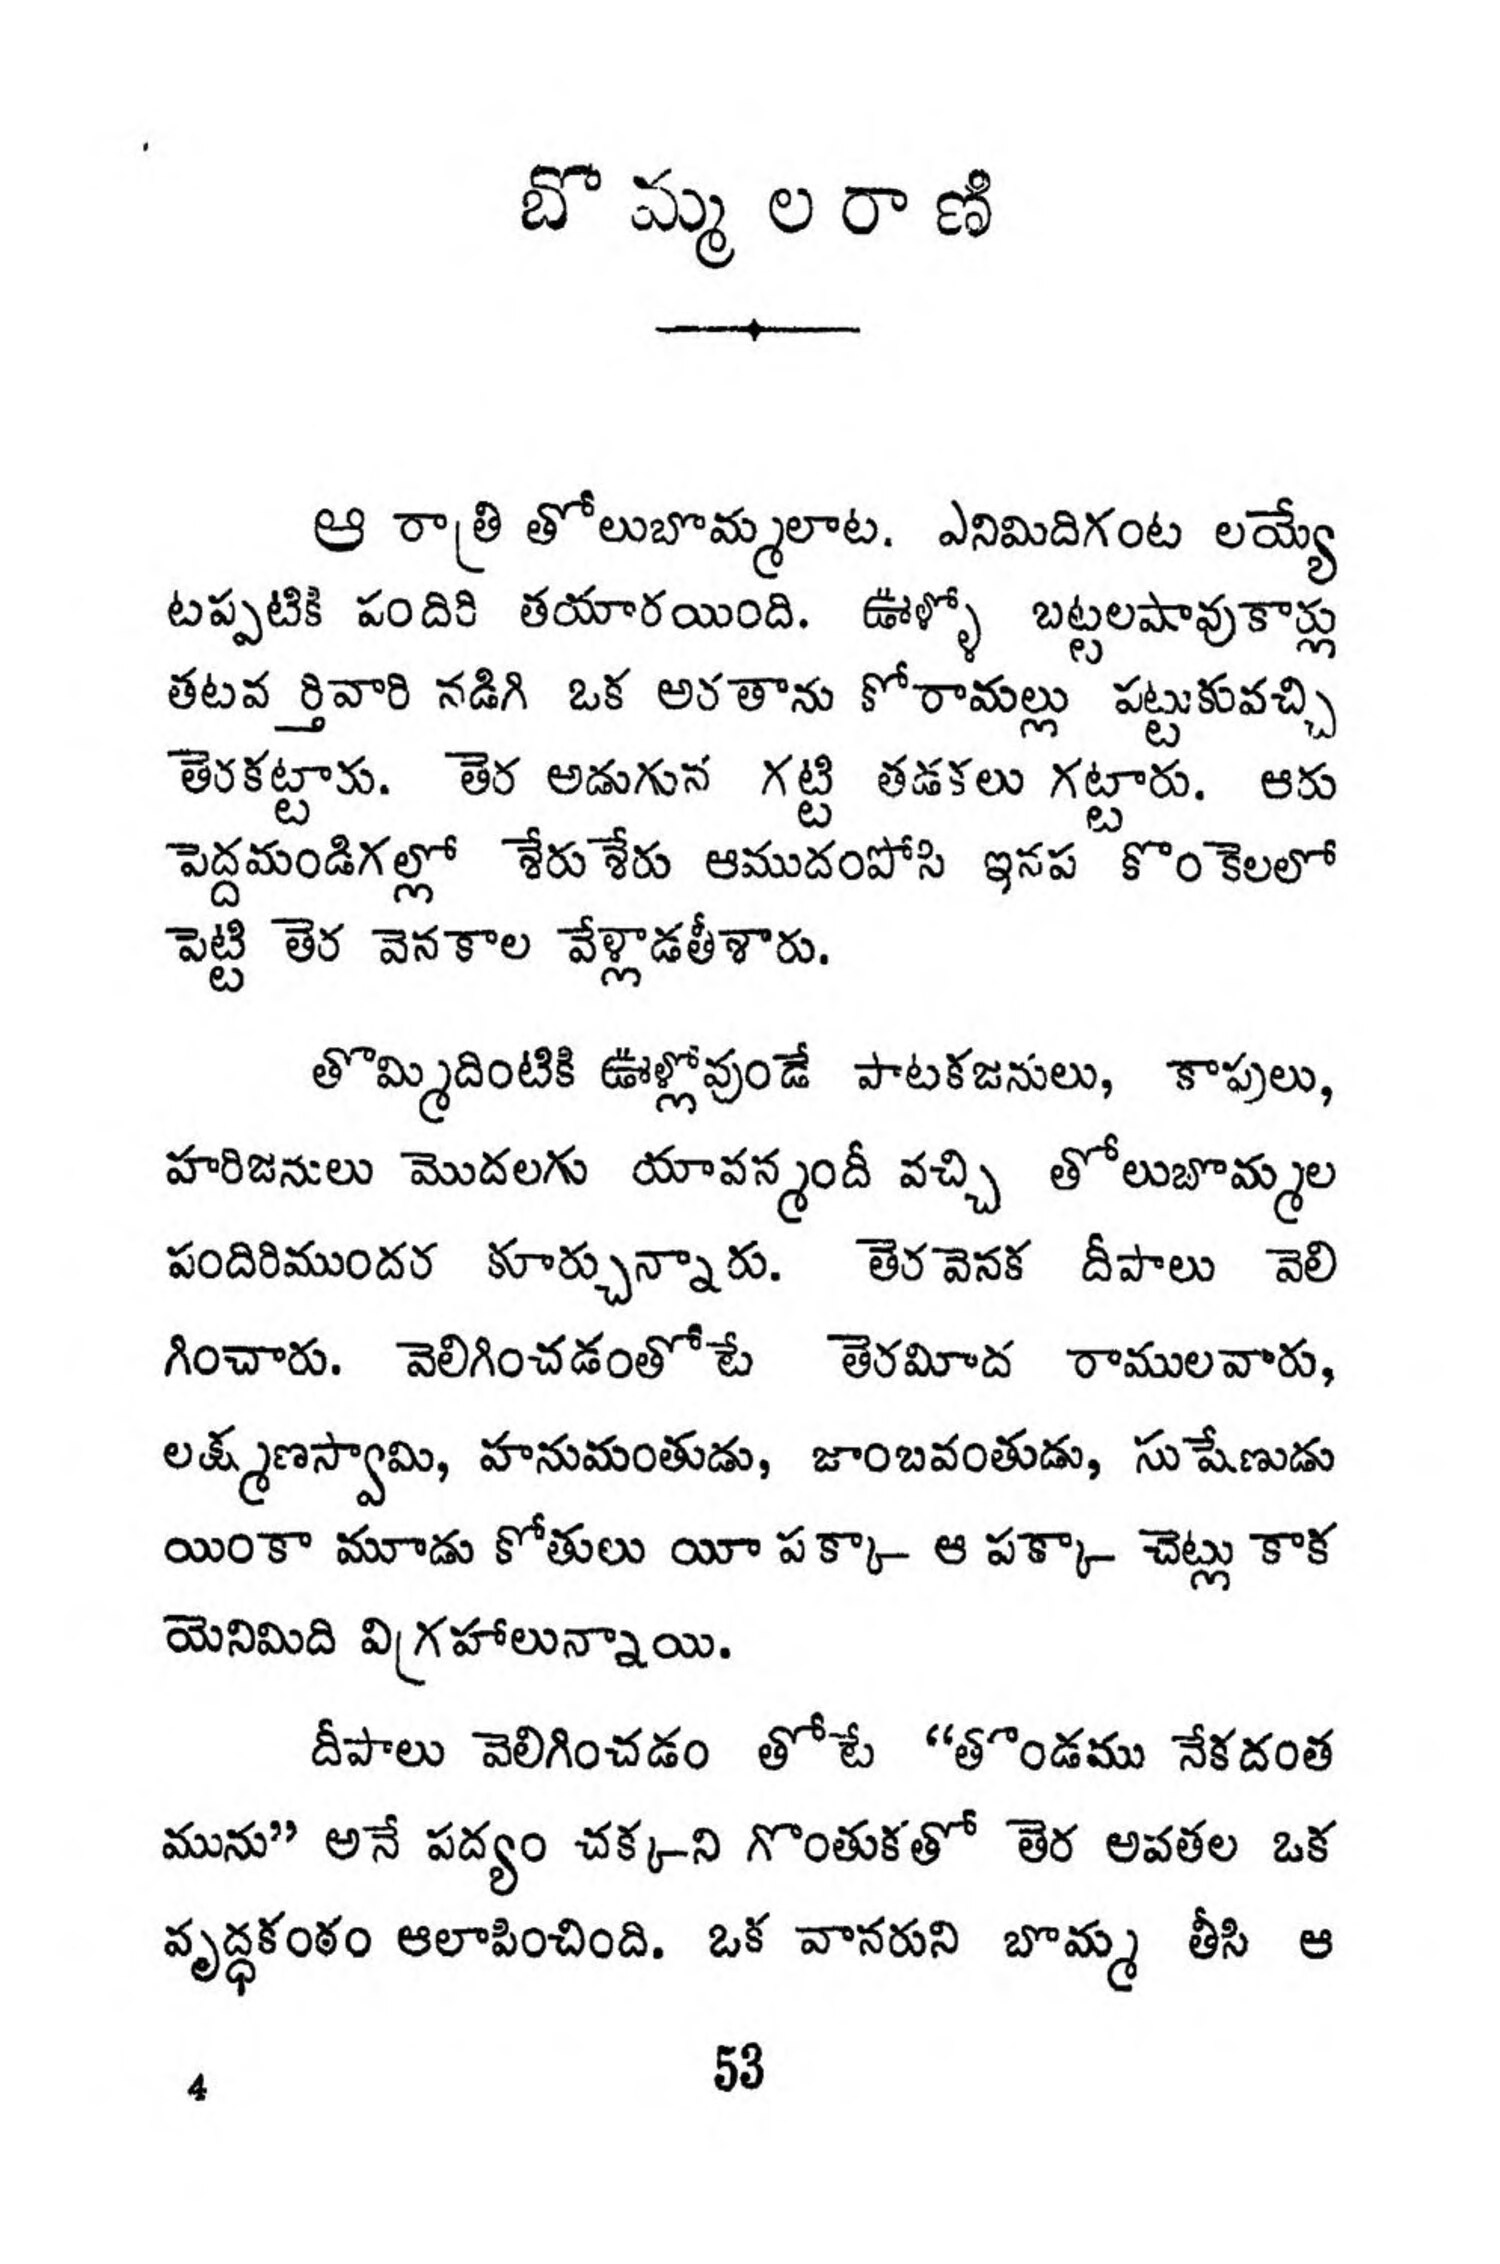బొమ్మలరాణి

ఆ రాత్రి తోలుబొమ్మలాట. ఎనిమిదిగంట లయ్యేటప్పటికి పందిరి తయారయింది. ఊళ్ళో బట్టలషావుకార్లు తటవర్తివారి నడిగి ఒక అరతాను కోరామల్లు పట్టుకువచ్చి తెరకట్టారు. తెర అడుగున గట్టి తడకలు గట్టారు. ఆరు పెద్దమండిగల్లో శేరుశేరు ఆముదంపోసి ఇనప కొంకెలలో పెట్టి తెర వెనకాల వేళ్లాడతీశారు.

తొమ్మిదింటికి ఊళ్లోవుండే పాటకజనులు, కాపులు, హరిజనులు మొదలగు యావన్మందీ వచ్చి తోలుబొమ్మల పందిరిముందర కూర్చున్నారు. తెరవెనుక దీపాలు వెలిగించారు. వెలిగించడంతోటే తెరమీద రాములవారు, లక్ష్మణస్వామి, హనుమంతుడు, జాంబవంతుడు, సుషేణుడు యింకా మూడు కోతులు యీ పక్కా ఆ పక్కా చెట్లు కాక యెనిమిది విగ్రహాలున్నాయి,

దీపాలు వెలిగించడం తోటే "తొండము నేకదంతమును" అనే పద్యం చక్కని గొంతుకతో తెర అవతల ఒక వృద్ధకంఠం ఆలాపించింది. ఒక వానరుని బొమ్మ తీసి ఆ